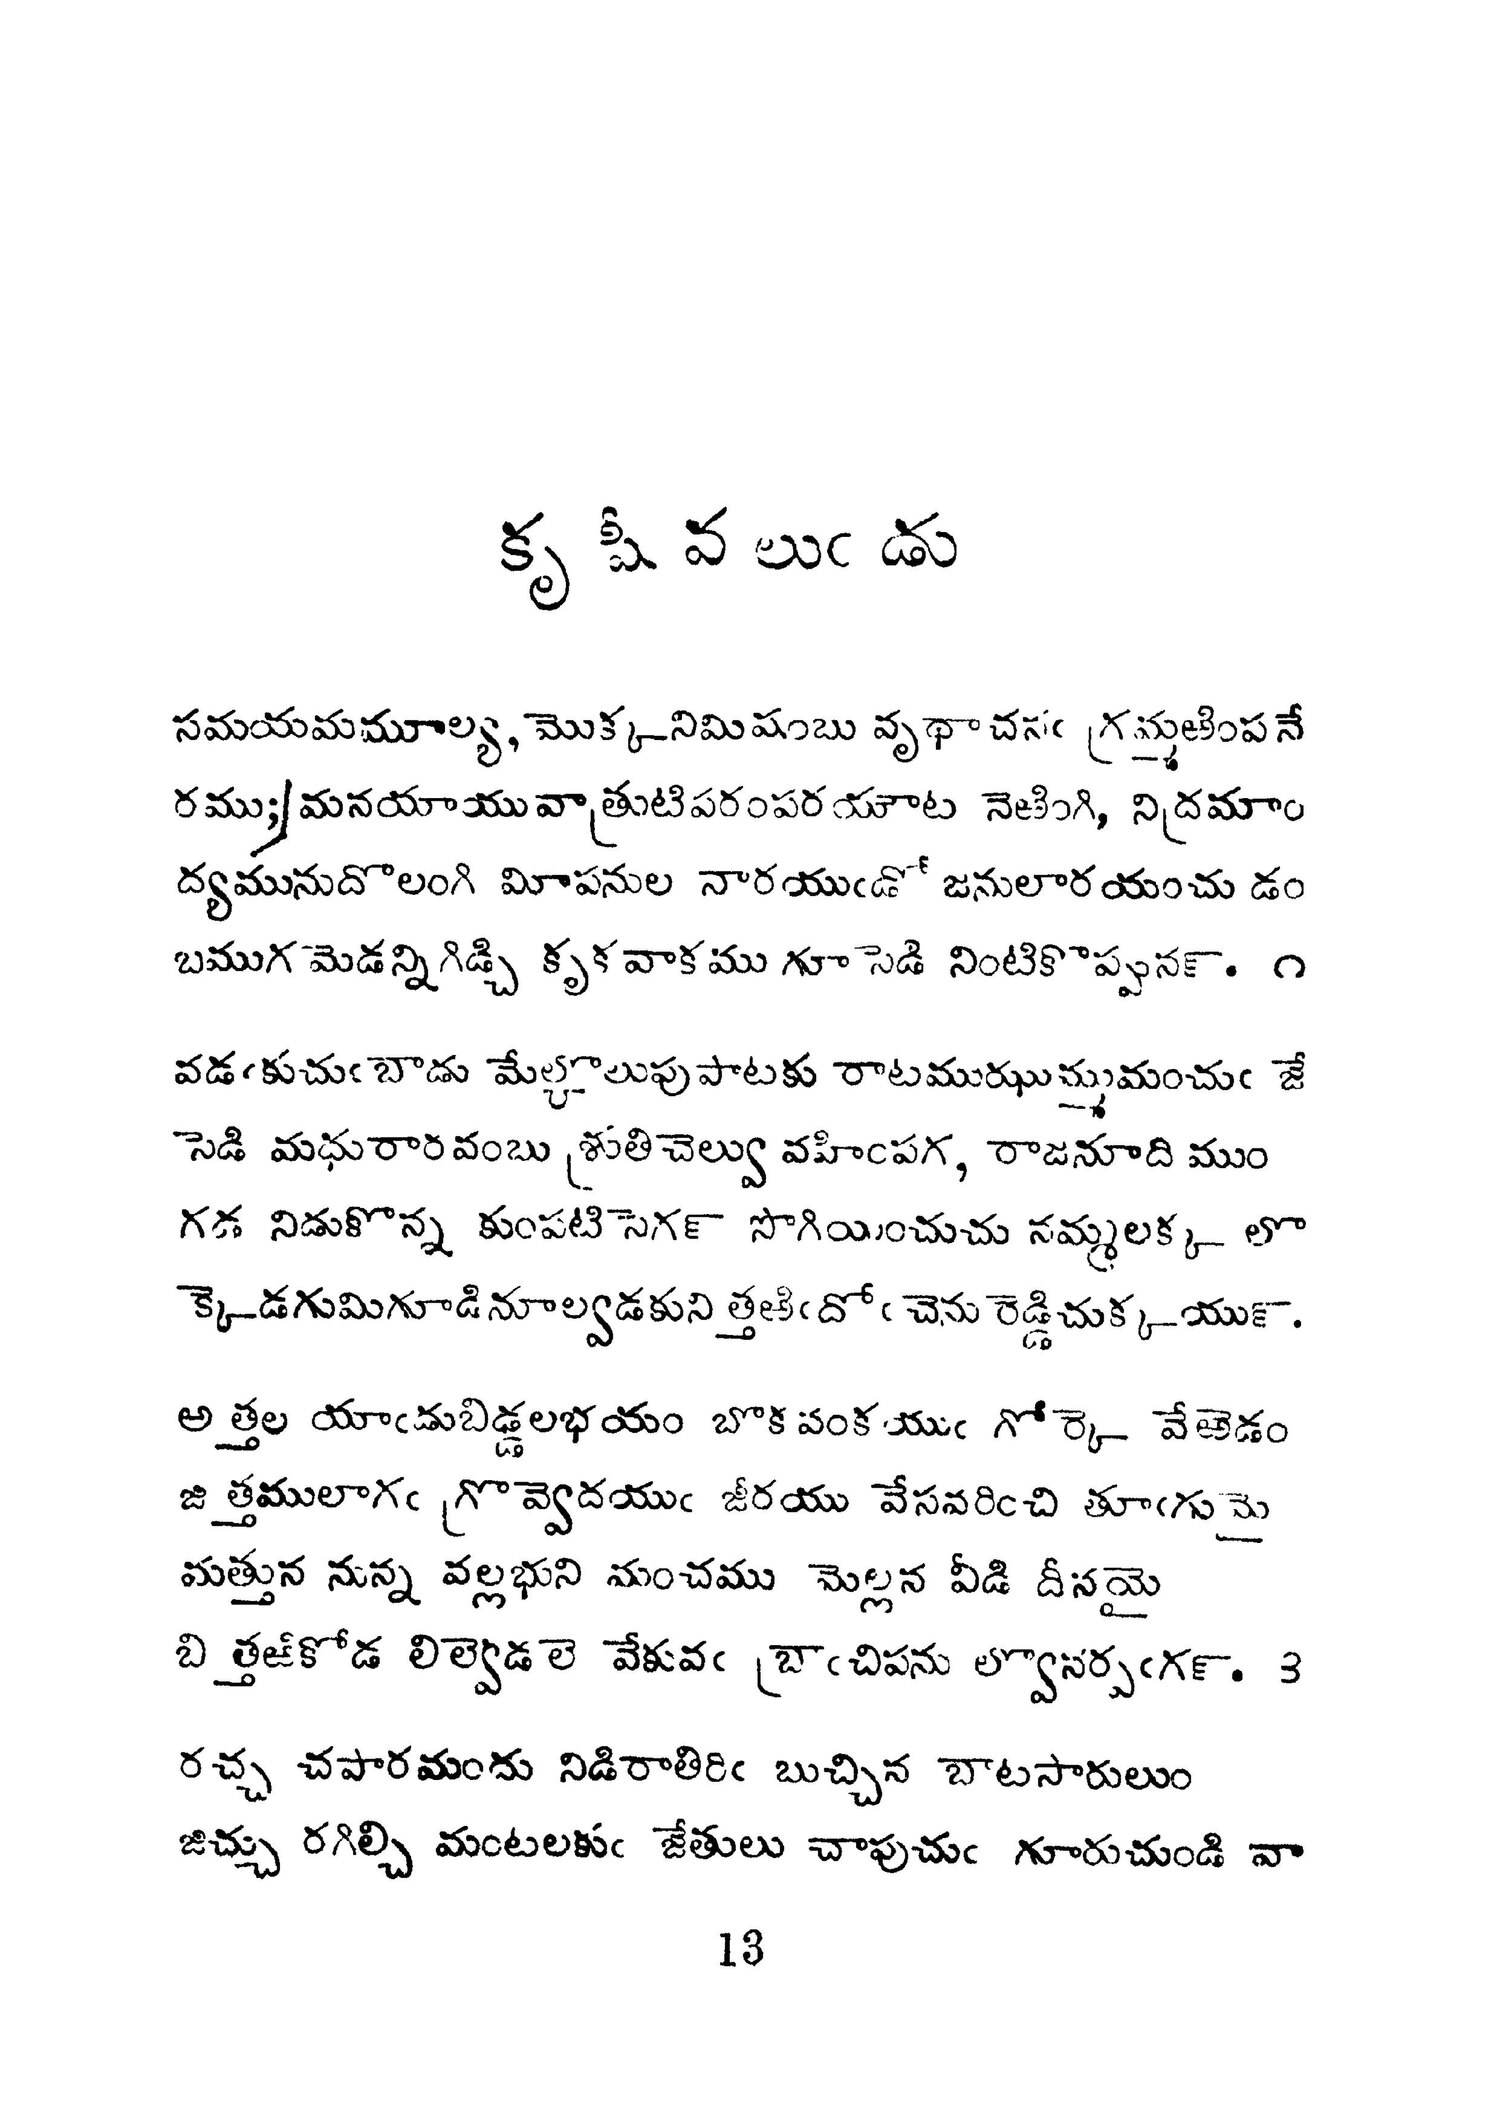సమయమమూల్య, మొక్క నిమిషంబు వృథాచనఁ గ్రమ్మఱింపనే
రము; మనయాయువా త్రుటిపరంపరయౌట నెఱింగి, నిద్రమాం
ద్యమునుదొలంగి మీపనుల నారయుఁడో జనులారయంచు డం
బముగమెడన్నిగిడ్చి కృకవాకము గూసెడి నింటికొప్పునన్‌. 	1

వడఁకుచుఁబాడు మేల్కొలుపుపాటకు రాటముఝుమ్ముమంచుఁ జే
సెడి మధురారవంబు శ్రుతిచెల్వువహింపఁగ, రాజనూఁది ముం
గడ నిడుకొన్న కుంపటిసెగన్‌ సొగియించుచు నమ్మలక్క లొ
క్కెడగుమిగూడినూల్వడకునిత్తఱిఁ దోఁచెను రెడ్డిచుక్కయున్‌. 	2

అత్తల యాఁడుబిడ్డల భయం బొకవంకయుఁ గోర్కె వేఱెడం
జిత్తములాఁగఁ గ్రొవ్వెదయుఁ జీరయు వేసవరించి తూఁగుమై
మత్తున నున్నవల్లభుని మంచము మెల్లన వీడి దీనయై
బిత్తఱికోడ లిల్వెడలె వేకువఁ బ్రాఁచిపను ల్వొనర్పఁగన్‌. 	3

రచ్చ చపారమందు నిడిరాతిరిఁ బుచ్చిన బాటసారులుం
జిచ్చు రగిల్చి మంటలకుఁ జేతులు చాపుచుఁ గూరుచుండి వా